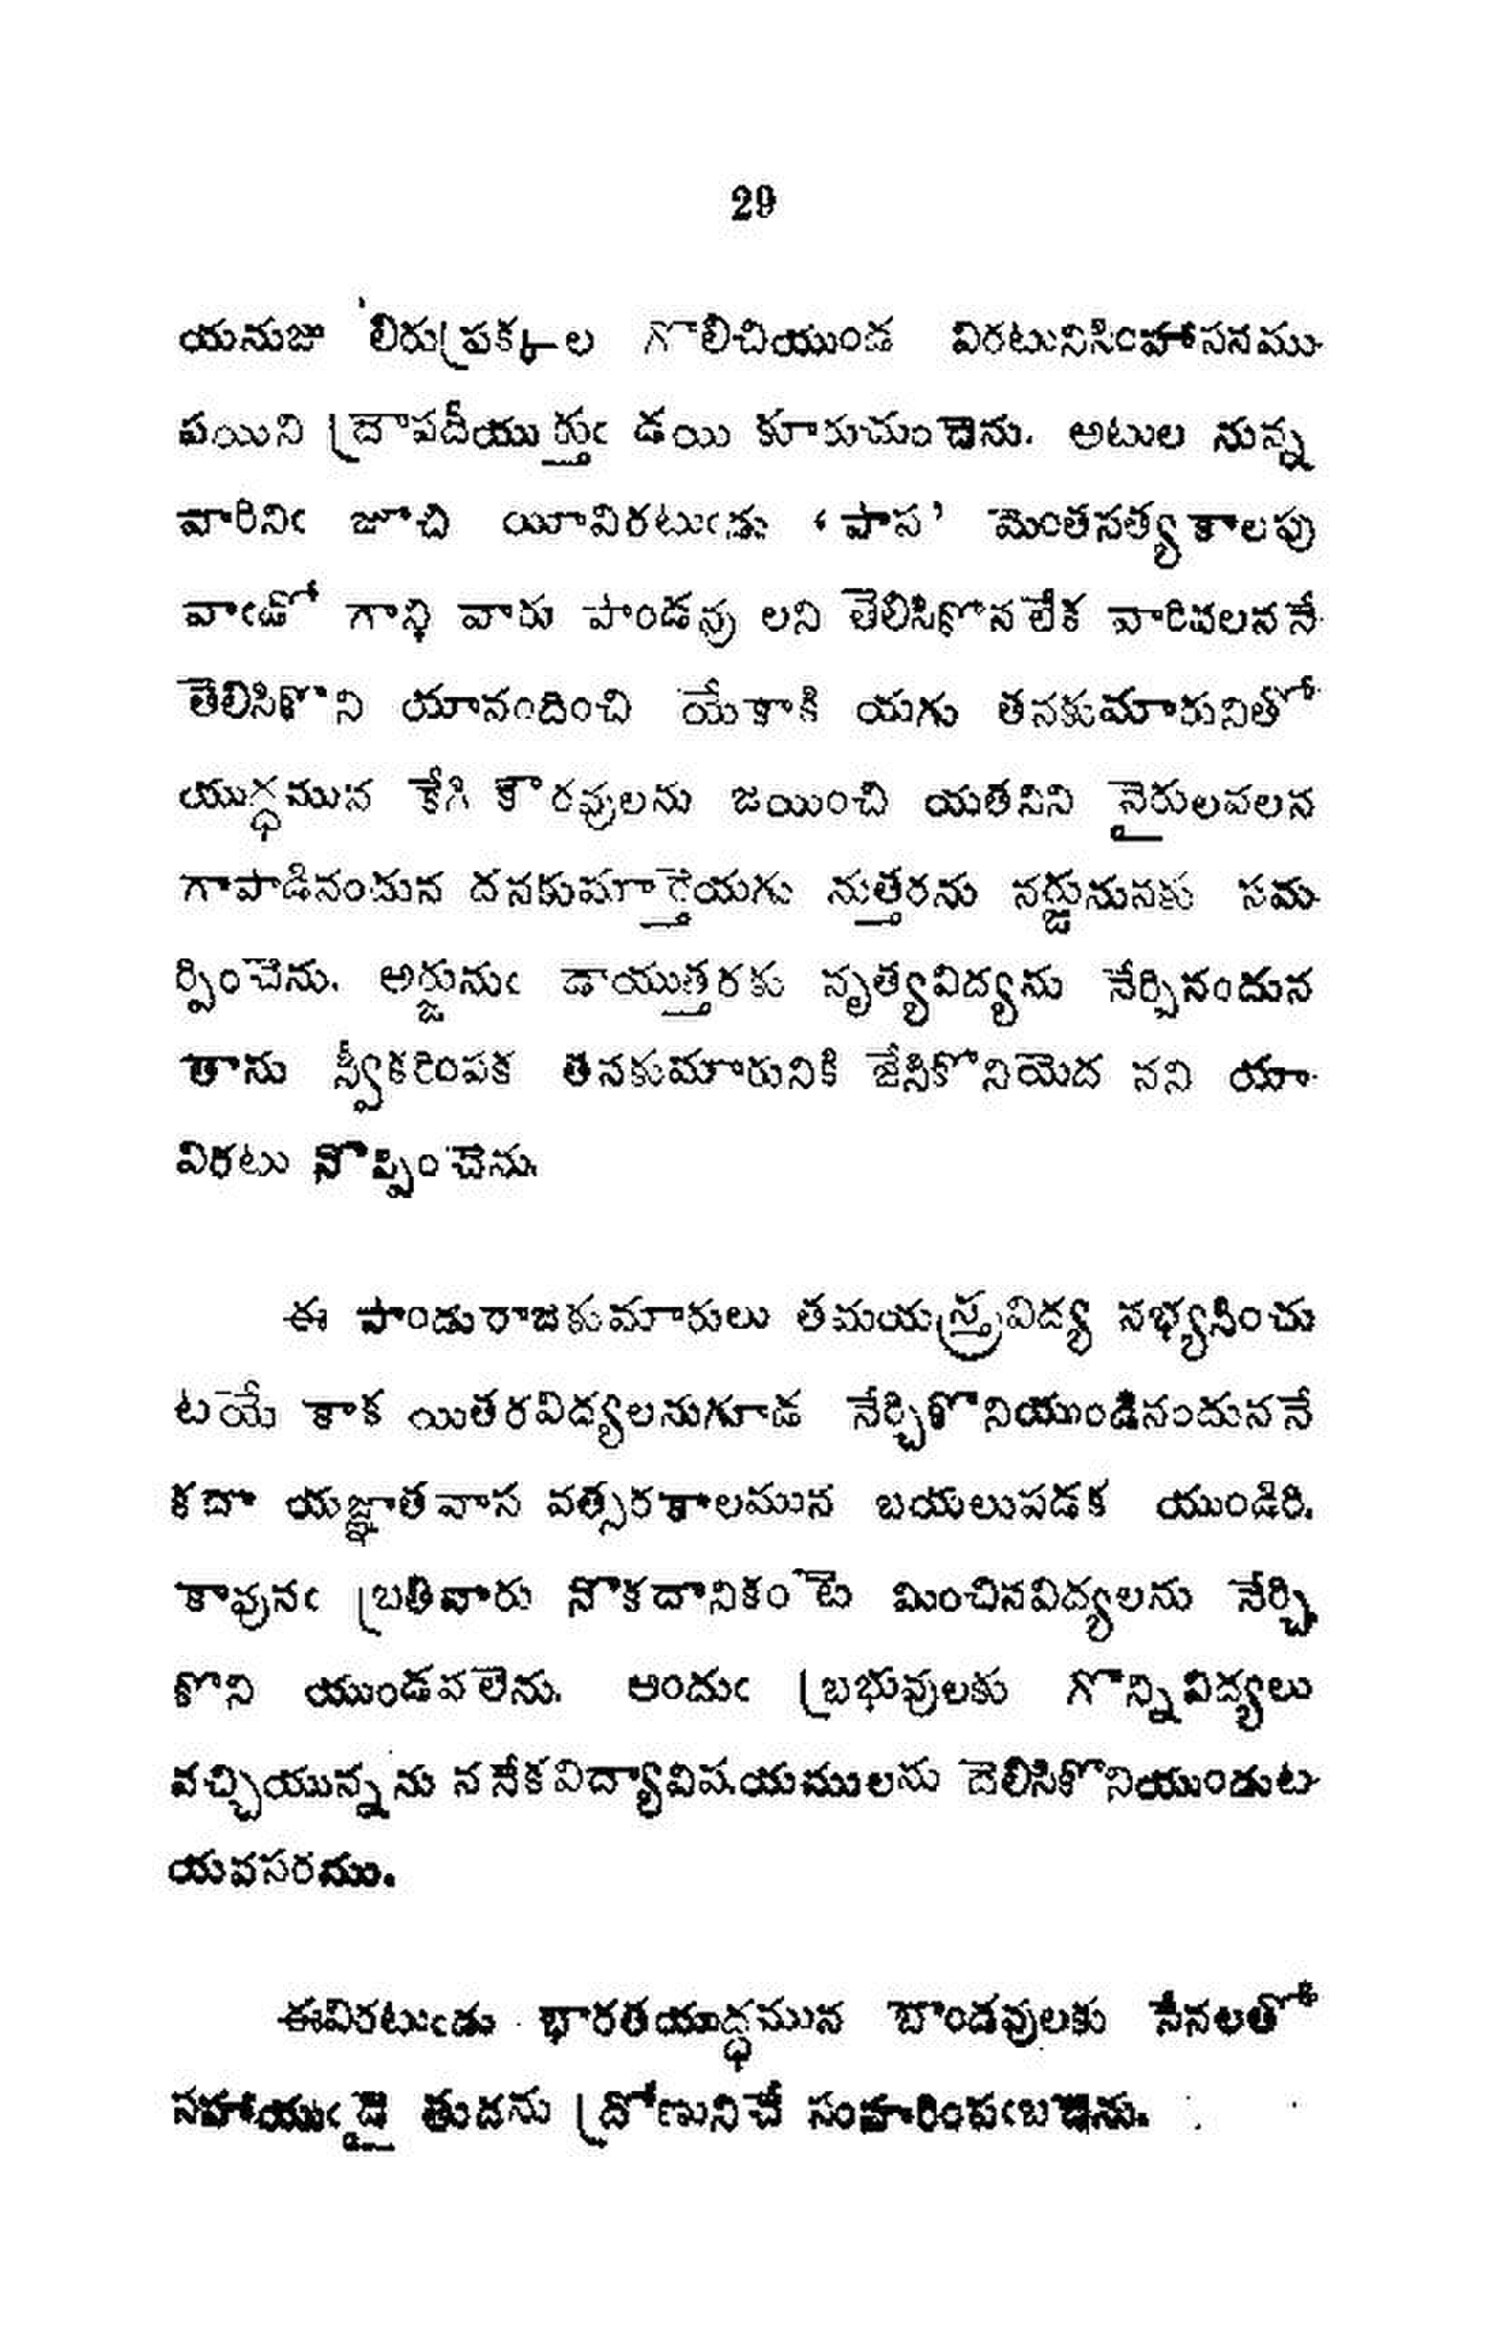యనుజు లిరుప్రక్కల గొలిచియుండ విరటునిసింహాసనము పయిని ద్రౌపదీయుక్తుఁ డయి కూరుచుండెను. అటుల నున్న వారినిఁ జూచి యీవిరటుఁడు 'పాప' మెంతసత్య కాలపువాఁడో గాని వారు పాండవు లని తెలిసికొనలేక వారివలననే తెలిసికొని యానందించి యేకాకి యగు తనకుమారునితో యుద్ధమున కేగి కౌరవులను జయించి యతనిని వైరులవలన గాపాడినందున దనకుమార్తెయగు నుత్తరను నర్జునునకు సమర్పించెను. అర్జునుఁ డాయుత్తరకు నృత్యవిద్యను నేర్పినందున తాను స్వీకరింపక తనకుమారునికి జేసికొనియెద నని యా విరటు నొప్పించెను.

ఈ పాండురాజకుమారులు తమయస్త్రవిద్య సభ్యసించుటయే కాక యితరవిద్యలనుగూడ నేర్చికొనియుండినందుననే కదా యజ్ఞాతవాస వత్సరకాలమున బయలుపడక యుండిరి. కావునఁ బ్రతివారు నొకదానికంటె మించినవిద్యలను నేర్చకొని యుండవలెను. అందుఁ బ్రభువులకు గొన్నివిద్యలు వచ్చియున్నను ననేక విద్యావిషయములను దెలిసికొనియుండుట యవసరము.

ఈవిరటుఁడు - భారతయుద్ధమున బాండవులకు సేనలతో సహాయుఁడై తుదను ద్రోణునిచే సంహరింపఁబడెను. .